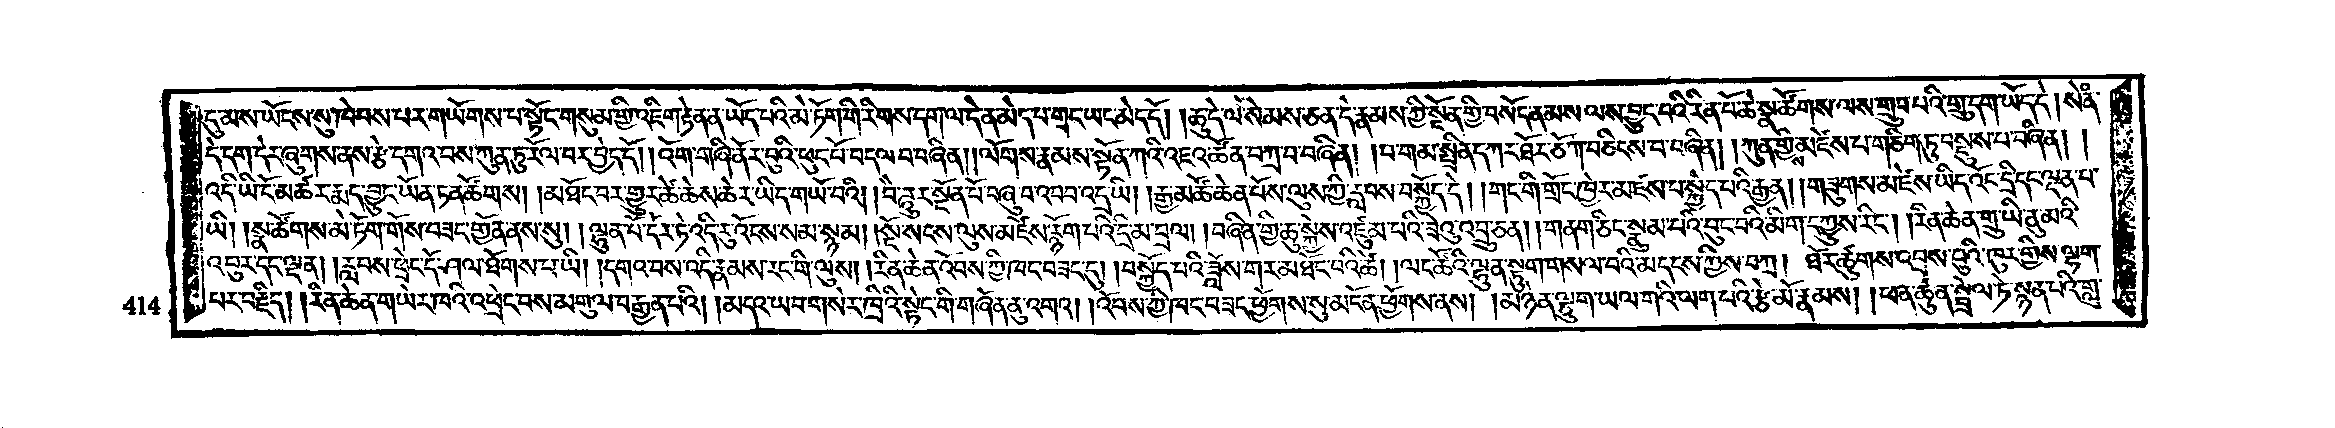དུ་མས་ཡོངས་སུ་ཁེབས་པར་གཡོགས་པ་སྟོང་གསུམ་གྱི་འཇིག་རྟེན་ན་ཡོད་པའི་མེ་ཏོག་གི་རིགས་དག་ལ་དེ་ན་མེད་པ་གང་ཡང་མེད་དོ། །ཆུ་དེ་ལ་སེམས་ཅན་དེ་རྣམས་ཀྱི་སྔོན་གྱི་བསོད་ནམས་ལས་བྱུང་བའི་རིན་པོ་ཆེ་སྣ་ཚོགས་ལས་གྲུབ་པའི་གྲུ་དག་ཡོད་དེ། སེམས་ཅན་
དེ་དག་དེར་ཞུགས་ནས་རྩེ་དགའ་བས་ཀུན་ཏུ་རོལ་བར་བྱེད་དོ། །འོག་གཞི་ནོར་བུའི་ཕུང་པོ་བདལ་བ་བཞིན། །ལོགས་རྣམས་སྟོན་ཀའི་འཇའ་ཚོན་བཀྲ་བ་བཞིན། །བ་གམ་སྤྲིན་དཀར་ཐོར་ཆོག་བཅིངས་པ་བཞིན། །ཀུན་གྱིས་མཛེས་པ་གཅིག་ཏུ་བསྡུས་པ་བཞིན། །
འདི་ཡི་ངོ་མཚར་རྨད་བྱུང་ཡོན་ཏན་ཚོགས། །མཐོང་བར་གྱུར་ཚེ་ཆེས་ཆེར་ཡིད་གཡོ་བའི། །བཻ་ཌཱུར་སྔོན་པོ་བཞུ་བ་འབབ་འདྲ་ཡི། །རྒྱ་མཚོ་ཆེན་པོས་ལུས་ཀྱི་རླབས་བསྐྱོད་དེ། །གང་གི་གྲོང་ཁྱེར་མཛེས་པ་སྐྱེད་པའི་རྒྱན། །གཟུགས་མཛེས་ཡིད་འོང་དྲི་དང་ལྡན་པ་
ཡི། །སྣ་ཚོགས་མེ་ཏོག་གོས་བཟང་གྱོན་ནས་སུ། །ལྷུན་པོ་དོར་ཏེ་འདི་རུ་འོངས་སམ་སྙམ། །སྔོ་སངས་ལུས་མཛེས་རྙོག་པའི་དྲི་མ་བྲལ། །བཞིན་གྱི་ཆུ་སྐྱེས་འཛུམ་པའི་ཟེའུ་འབྲུ་ཅན། །གནག་ཅིང་སྣུམ་པའི་བུང་བའི་མིག་དཀྱུས་རིང་། །རིན་ཆེན་གྲུ་ཡི་ནུ་མའི་
འབུར་དང་ལྡན། །རླབས་ཕྲེང་དོ་ཤལ་ཐོགས་པ་ཡི། །དགའ་བས་འདི་རྣམས་རང་གི་ལུས། །རིན་ཆེན་འོབས་ཀྱི་ཁང་བཟང་དུ། །བསྐྱོད་པའི་ཟློས་གར་མཐོང་བའི་ཚེ། །ལང་ཚོའི་ལྷུན་སྟུག་གསལ་བའི་མདངས་ཀྱིས་བཀྲ། ཐེར་ཚུགས་འབྲས་བུའི་ཁུར་གྱིས་ལྷག་
པར་བརྗིད། །རིན་ཆེན་གཡེར་ཁའི་འཕྲེང་བས་མགུལ་བརྒྱན་པའི། །མདའ་ཡབ་གསེར་ཁྲིའི་སྟེང་གི་གཞོན་ནུ་འགའ། །འོབས་ཀྱི་ཁང་བཟང་ཕྱོགས་སུ་མངོན་ཕྱོགས་ནས། །མཉེན་ལྕུག་ཡལ་གའི་ལག་པའི་རྩེ་མོ་རྣམས། །ཕན་ཚུན་སྦྲེལ་ཏེ་སྙན་པའི་གླུ་